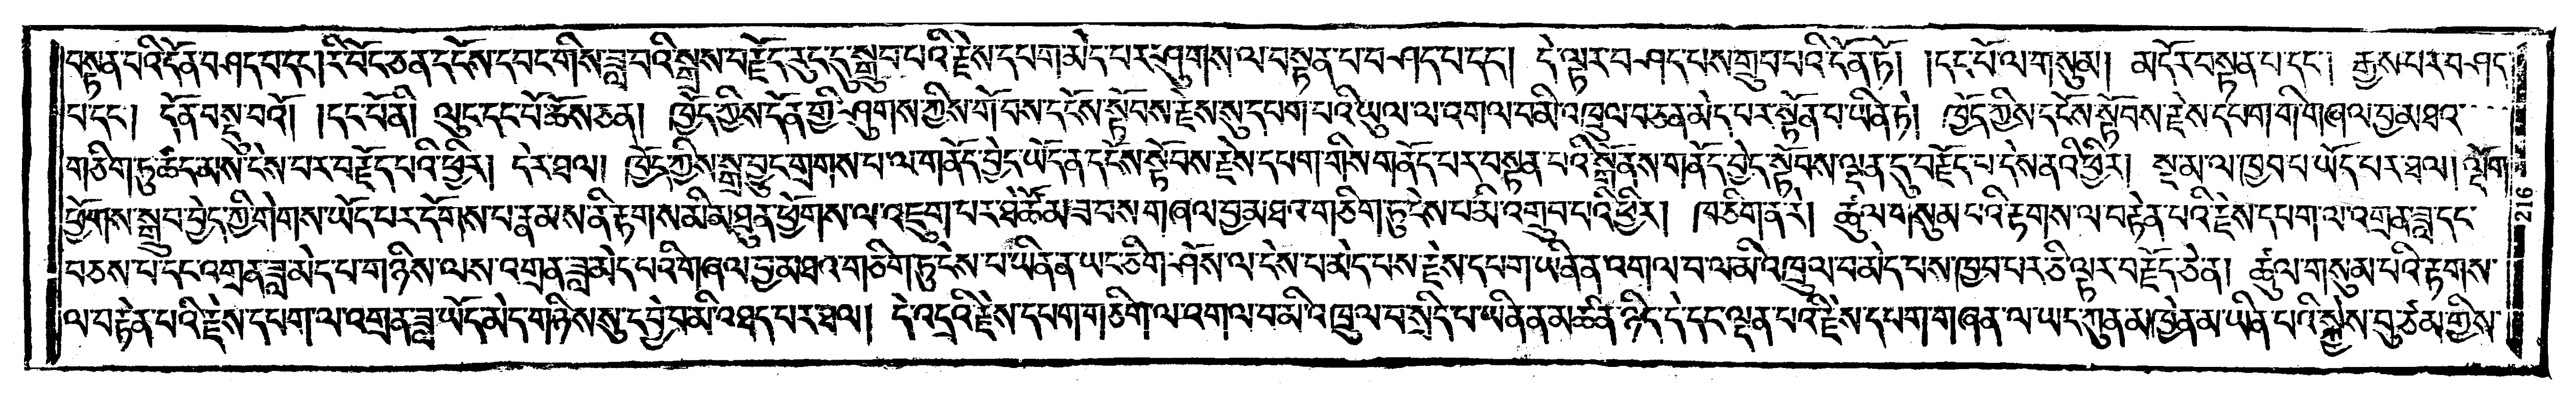བསྟན་པའི་དོན་བཤད་པ་དང་། རི་བོང་ཅན་དངོས་དབང་གིས་ཟླ་བའི་སྒྲས་བརྗོད་རུང་དུ་སྒྲུབ་པའི་རྗེས་དཔག་མེད་པར་ཤུགས་ལ་བསྟན་པ་བཤད་པ་དང་། དེ་ལྟར་བཤད་པས་གྲུབ་པའི་དོན་ཏོ། །དང་པོ་ལ་གསུམ། མདོར་བསྟན་པ་དང་། རྒྱས་པར་བཤད་
པ་དང་། དོན་བསྡུ་པའོ། །དང་པོ་ནི། ལུང་དང་པོ་ཆོས་ཅན། ཁྱོད་ཀྱིས་དོན་གྱི་ཤུགས་ཀྱིས་གོ་བས་དངོས་སྟོབས་རྗེས་སུ་དཔག་པའི་ཡུལ་ལ་འགལ་བ་མི་འཁྲུལ་བ་ཅན་མེད་པར་སྟོན་པ་ཡིན་ཏེ། ཁྱོད་ཀྱིས་དངོས་སྟོབས་རྗེས་དཔག་གི་གཞལ་བྱ་མཐའ་
གཅིག་ཏུ་ཚད་མས་ངེས་པར་བརྗོད་པའི་ཕྱིར། དེར་ཐལ། ཁྱོད་ཀྱིས་སྒྲ་བྱུང་གྲགས་པ་ལ་གནོད་བྱེད་ཡོད་ན་དངོས་སྟོབས་རྗེས་དཔག་གིས་གནོད་པར་བསྟན་པའི་སྒོ་ནས་གནོད་བྱེད་སྟོབས་ལྡན་དུ་བརྗོད་པ་དེས་ནའི་ཕྱིར། སྔ་མ་ལ་ཁྱབ་པ་ཡོད་པར་ཐལ། ལྡོག་
ཕྱོགས་སྒྲུབ་བྱེད་ཀྱི་གེགས་ཡོད་པར་དོགས་པ་རྣམས་ནི་རྟགས་མི་མཐུན་ཕྱོགས་ལ་འཇུག་པར་ཐེ་ཚོམ་ཟ་བས་གཞལ་བྱ་མཐའ་གཅིག་ཏུ་ངེས་པ་མི་འགྲུབ་པའི་ཕྱིར། ཁ་ཅིག་ན་རེ། ཚུལ་གསུམ་པའི་རྟགས་ལ་བརྟེན་པའི་རྗེས་དཔག་ལ་འགྲན་ཟླ་དང་
བཅས་པ་དང་འགྲན་ཟླ་མེད་པ་གཉིས་ལས་འགྲན་ཟླ་མེད་པའི་གཞལ་བྱ་མཐའ་གཅིག་ཏུ་ངེས་པ་ཡིན་ན་ཡང་ཅིག་ཤོས་ལ་ངེས་པ་མེད་པས་རྗེས་དཔག་ཡིན་ན་འགལ་བ་ལ་མི་འཁྲུལ་པ་མེད་པས་ཁྱབ་པར་ཅི་ལྟར་བརྗོད་ཅེ་ན། ཚུལ་གསུམ་པའི་རྟགས་
ལ་བརྟེན་པའི་རྗེས་དཔག་ལ་འགྲན་ཟླ་ཡོད་མེད་གཉིས་སུ་དབྱེ་བ་མི་འཐད་པར་ཐལ། དེ་འདྲའི་རྗེས་དཔག་གཅིག་ལ་འགལ་བ་མི་འཁྲུལ་བ་སྲིད་པ་ཡིན་ན་མཚན་ཉིད་དེ་དང་ལྡན་པའི་རྗེས་དཔག་གཞན་ལ་ཡང་ཀུན་མཁྱེན་མ་ཡིན་པའི་སྐྱེས་བུ་ཙམ་གྱིས་